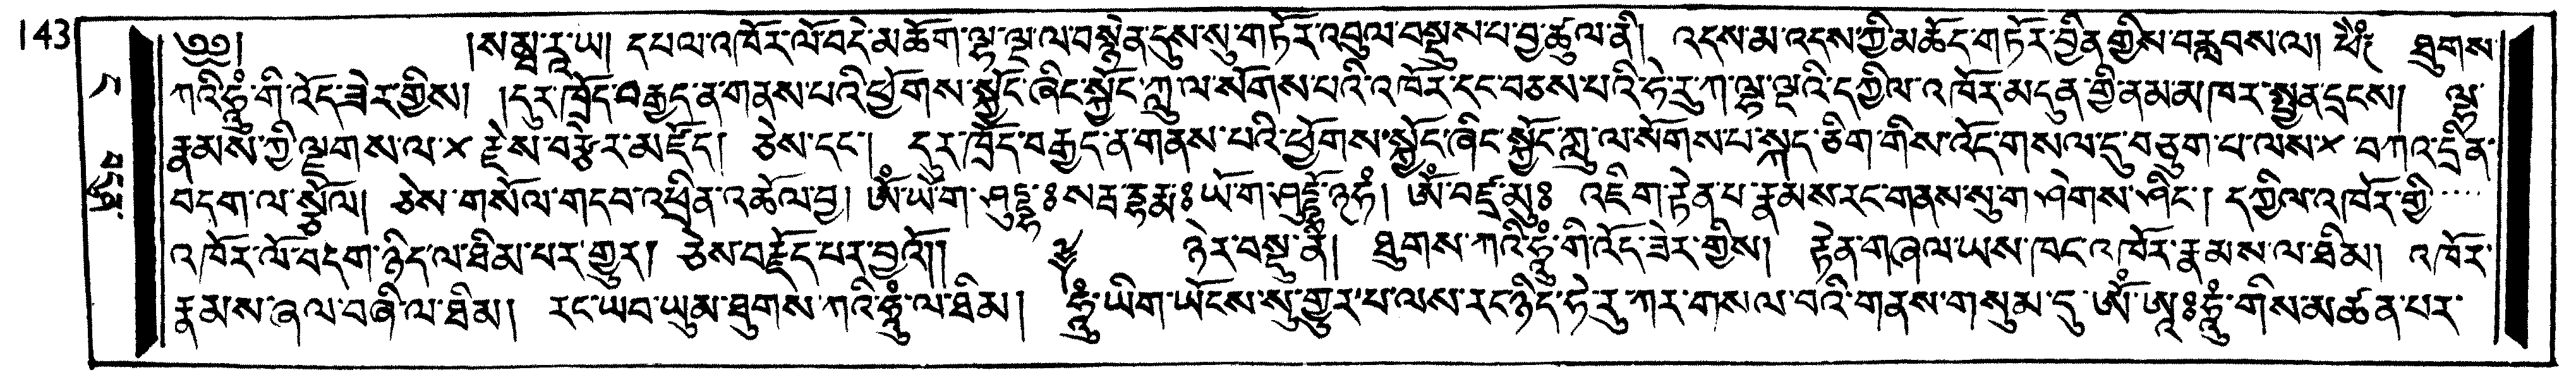༄༅། །ས་མྦ་རཱ་ཡ། དཔལ་འཁོར་ལོ་བདེ་མཆོག་ལྷ་ལྔ་ལ་བསྙེན་དུས་སུ་གཏོར་འབུལ་བསྡུས་པ་བྱ་ཚུལ་ནི། འདས་མ་འདས་ཀྱི་མཆོད་གཏོར་བྱིན་གྱིས་བརླབས་ལ། ཕཻཾ༑ ཐུགས་
ཀའི་ཧཱུཾ་གི་འོད་ཟེར་གྱིས། །དུར་ཁྲོད་བརྒྱད་ན་གནས་པའི་ཕྱོགས་སྐྱོང་ཞིང་སྐྱོང་ཀླུ་ལ་སོགས་པའི་འཁོར་དང་བཅས་པའི་ཧེ་རུ་ཀ་ལྷ་ལྔའི་དཀྱིལ་འཁོར་མདུན་གྱི་ནམ་མཁར་སྤྱན་དྲངས། ལྷ་
རྣམས་ཀྱི་ལྗགས་ལ་+་རྗེས་བརྩེར་མཛོད། ཅེས་དང་། དུར་ཁྲོད་བརྒྱད་ན་གནས་པའི་ཕྱོགས་སྐྱོང་ཞིང་སྐྱོང་ཀླུ་ལ་སོགས་པ་སྐད་ཅིག་གིས་འོད་གསལ་དུ་བཅུག་པ་ལས་+་བཀའ་དྲིན་
བདག་ལ་སྩོལ། ཅེས་གསོལ་གདབ་འཕྲིན་འཆོལ་བྱ། ཨོཾ་ཡོ་ག་ཤུདྡྷཿ སྲྦ་དྷརྨཿ ཡོ་ག་ཤུདྡྷོ་?་ཧཾ། ཨོཾ་བྫྲ་མུཿ འཇིག་རྟེན་པ་རྣམས་རང་གནས་སུ་གཤེགས་ཤིང་། དཀྱིལ་འཁོར་གྱི་
འཁོར་ལོ་བདག་ཉིད་ལ་ཐིམ་པར་གྱུར། ཅེས་བརྗོད་པར་བྱའོ།། ༈ ཉེར་བསྡུ་ནི། ཐུགས་ཀའི་ཧཱུཾ་གི་འོད་ཟེར་གྱིས། རྟེན་གཞལ་ཡས་ཁང་འཁོར་རྣམས་ལ་ཐིམ། འཁོར་
རྣམས་ཞལ་བཞི་ལ་ཐིམ། རང་ཡབ་ཡུམ་ཐུགས་ཀའི་ཧཱུཾ་ལ་ཐིམ། ཧཱུཾ་ཡིག་ཡོངས་སུ་གྱུར་པ་ལས་རང་ཉིད་ཧེ་རུ་ཀར་གསལ་བའི་གནས་གསུམ་དུ་ཨོཾ་ཨཱཿ ཧཱུཾ་གིས་མཚན་པར་